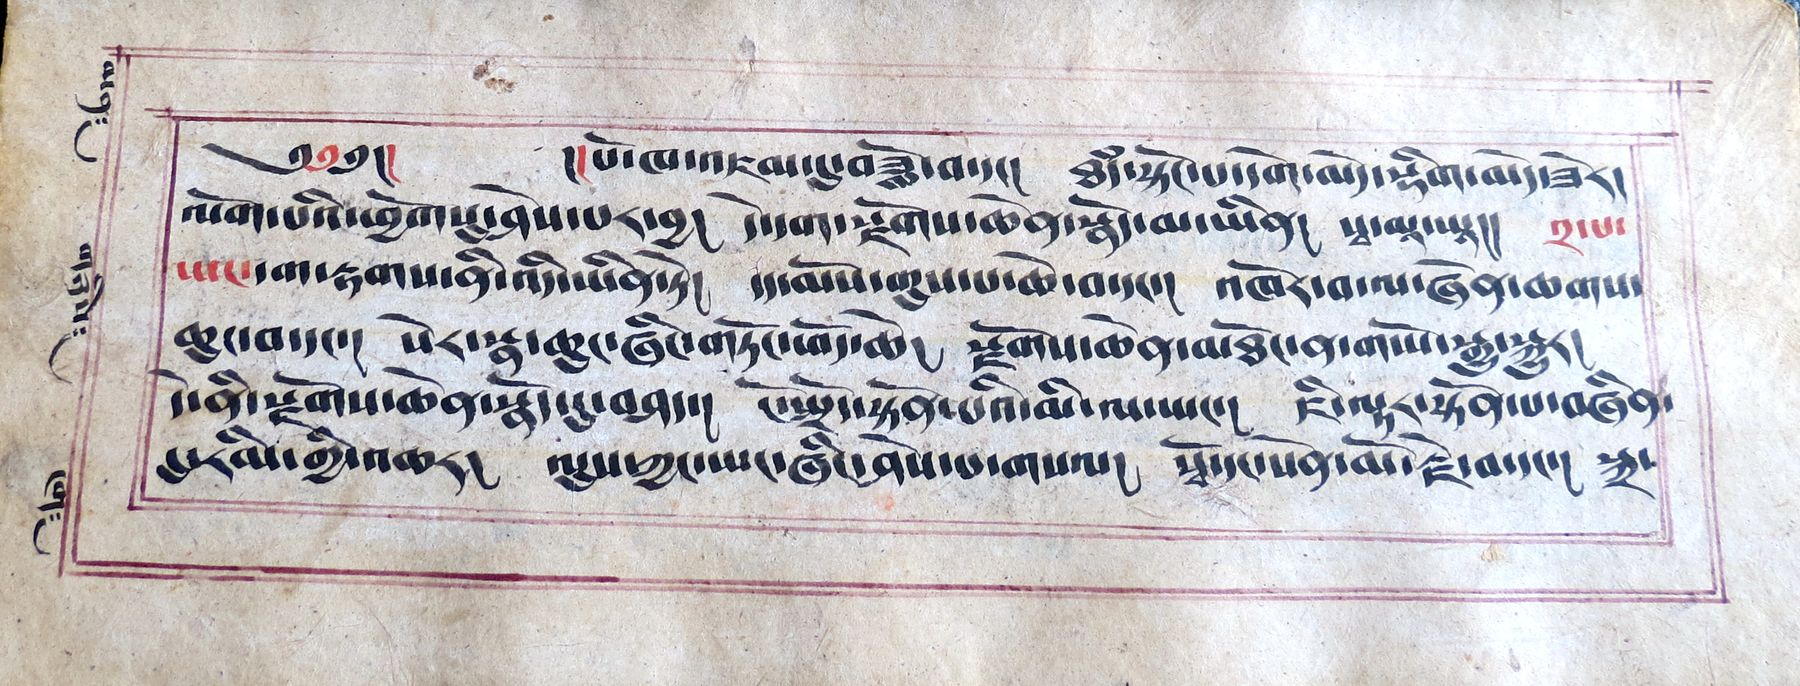པོ་ཁ་འབྱམས་སུ་ཟློ་བ་དང་། ། ཐམས་ཅད་སྟོང་པ་དགེ་མེད་སྡིག་མེད་ཟེར། ། 
ལོག་པའི་ཕྱོགས་སུ་ཤེས་པར་བྱ། ། དེ་དག་རྫོགས་ཆེན་སྣོད་མ་ཡིན། ས་མ་ཡ། གཉིས་པ་
ཡང་དག་རྟགས་ནི་འདི་ཡིན་ཏེ། ། དད་མོས་གུས་པ་ཆེ་བ་དང་། ། འཁོར་བ་ལ་ཞེན་ཆགས་
ཆུང་བ་དང་། ། སེར་སྣ་ཆུང་ཞིང་གཏོང་ཕོད་ཆེ། ། རྫོགས་ཆེན་མཐོང་ན་གཡོ་སྒྱུ་བསྐྱུར། ། 
དེ་ནི་རྫོགས་ཆེན་སྣོད་དུ་བཤད། ། ངོ་སྤྲོད་སྟོན་པའི་མི་ལ་ཡང་། ། ཅི་ལྟར་བསྟན་པ་བཞིན་
དུ་རིམ་གྱིས་འཆར། ། ལུས་ཀྱང་ཡང་ཞིང་ཤེས་པ་གསལ། ། སོ་དང་སེན་མོ་བརྗེ་བ་དང་། ། སྐྲ་